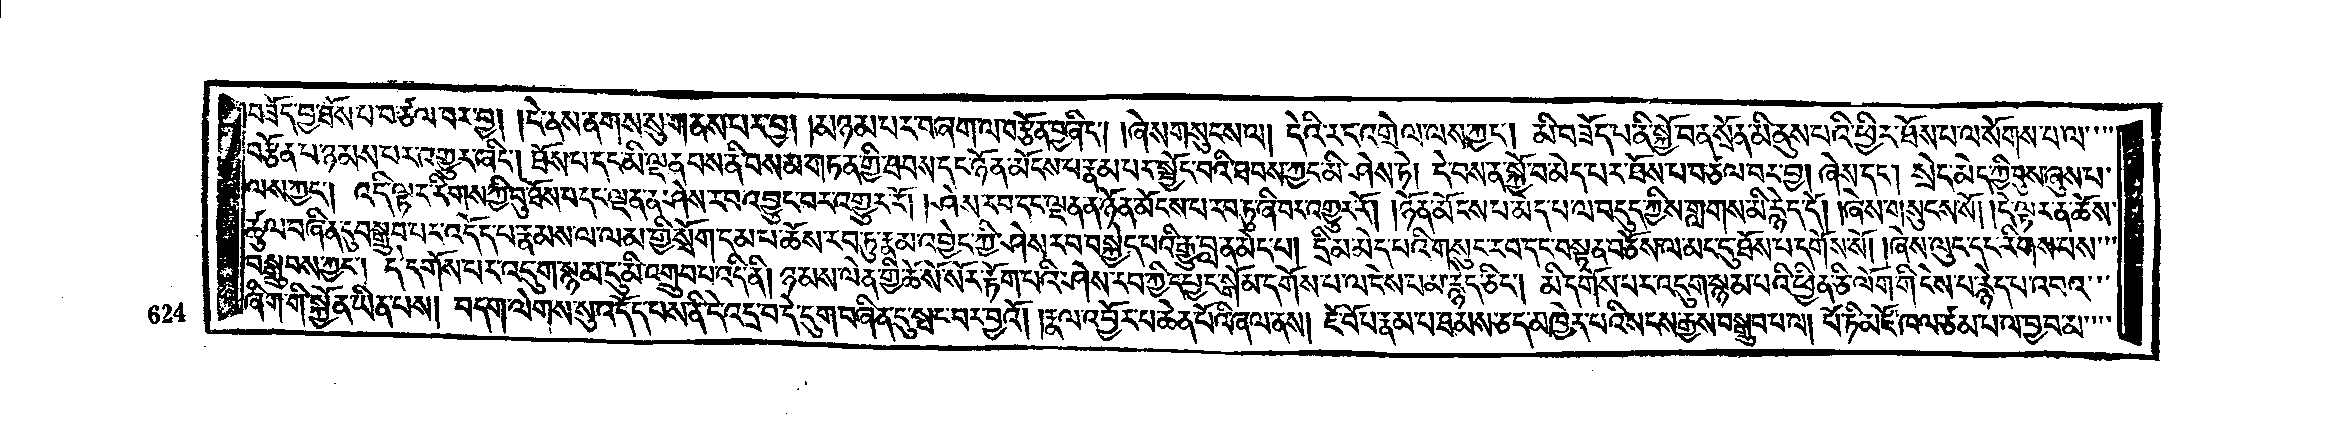བཟོད་བྱ་ཐོས་པ་བཙལ་བར་བྱ། །དེ་ནས་ནགས་སུ་གནས་པར་བྱ། །མཉམ་པར་བཞག་ལ་བརྩོན་བྱ་ཞིང་། །ཞེས་གསུངས་ལ། དེའི་རང་འགྲེལ་ལས་ཀྱང་། མི་བཟོད་པ་ནི་སྐྱོ་བ་ན་སྲོན་མི་ནུས་པའི་ཕྱིར་ཐོས་པ་ལ་སོགས་པ་ལ་
བརྩོན་པ་ཉམས་པར་འགྱུར་ཞིང་། ཐོས་པ་དང་མི་ལྡན་པས་ནི་བསམ་གཏན་གྱི་ཐབས་དང་ཉོན་མོངས་པ་རྣམ་པར་སྦྱོང་བའི་ཐབས་ཀྱང་མི་ཤེས་ཏེ། དེ་བས་ན་སྐྱོ་བ་མེད་པར་ཐོས་པ་བཙལ་བར་བྱ། ཞེས་དང་། སྲེད་མེད་ཀྱི་བུས་ཞུས་པ་
ལས་ཀྱང་། འདི་ལྟར་རིགས་ཀྱི་བུ་ཐོས་པ་དང་ལྡན་ན་ཤེས་རབ་འབྱུང་བར་འགྱུར་རོ། །ཤེས་རབ་དང་ལྡན་ན་ཉོན་མོངས་པ་རབ་ཏུ་ཞི་བར་འགྱུར་རོ། །ཉོན་མོངས་པ་མེད་པ་ལ་བདུད་ཀྱིས་གླགས་མི་རྙེད་དོ། །ཞེས་གསུངས་སོ། །དེ་ལྟར་ན་ཆོས་
ཚུལ་བཞིན་དུ་བསྒྲུབ་པར་འདོད་པ་རྣམས་ལ་ལམ་གྱི་སྲོག་དམ་པ་ཆོས་རབ་ཏུ་རྣམ་འབྱེད་ཀྱི་ཤེས་རབ་བསྐྱེད་པའི་རྒྱུ་བླ་ན་མེད་པ། དྲི་མ་མེད་པའི་གསུང་རབ་དང་བསྟན་བཅོས་ལ་མང་དུ་ཐོས་པ་དགོས་སོ། །ཞེས་ལུང་དང་རིགས་པས་
བསྒྲུབས་ཀྱང་། དེ་དགོས་པར་འདུག་སྙམ་དུ་མི་འགྲུབ་པ་འདི་ནི། ཉམས་ལེན་གྱི་ཚེ་སོ་སོར་རྟོག་པའི་ཤེས་རབ་ཀྱི་དཔྱད་སྒོམ་དགོས་པ་ལ་ངེས་པ་མ་རྙེད་ཅིང་། མི་དགོས་པར་འདུག་སྙམ་པའི་ཕྱིན་ཅི་ལོག་གི་ངེས་པ་རྙེད་པ་འབའ་
ཞིག་གི་སྐྱོན་ཡིན་པས། བདག་ལེགས་སུ་འདོད་པས་ནི་དེ་འདྲ་བ་དེ་དུག་བཞིན་དུ་སྤང་བར་བྱའོ། །རྣལ་འབྱོར་པ་ཆེན་པོའི་ཞལ་ནས། ཇོ་བོ་པ་རྣམ་པ་ཐམས་ཅད་མཁྱེན་པའི་སངས་རྒྱས་བསྒྲུབ་པ་ལ། པོ་ཏི་མཛོ་ཁལ་ཙམ་པ་ལ་བྱ་བ་མ་